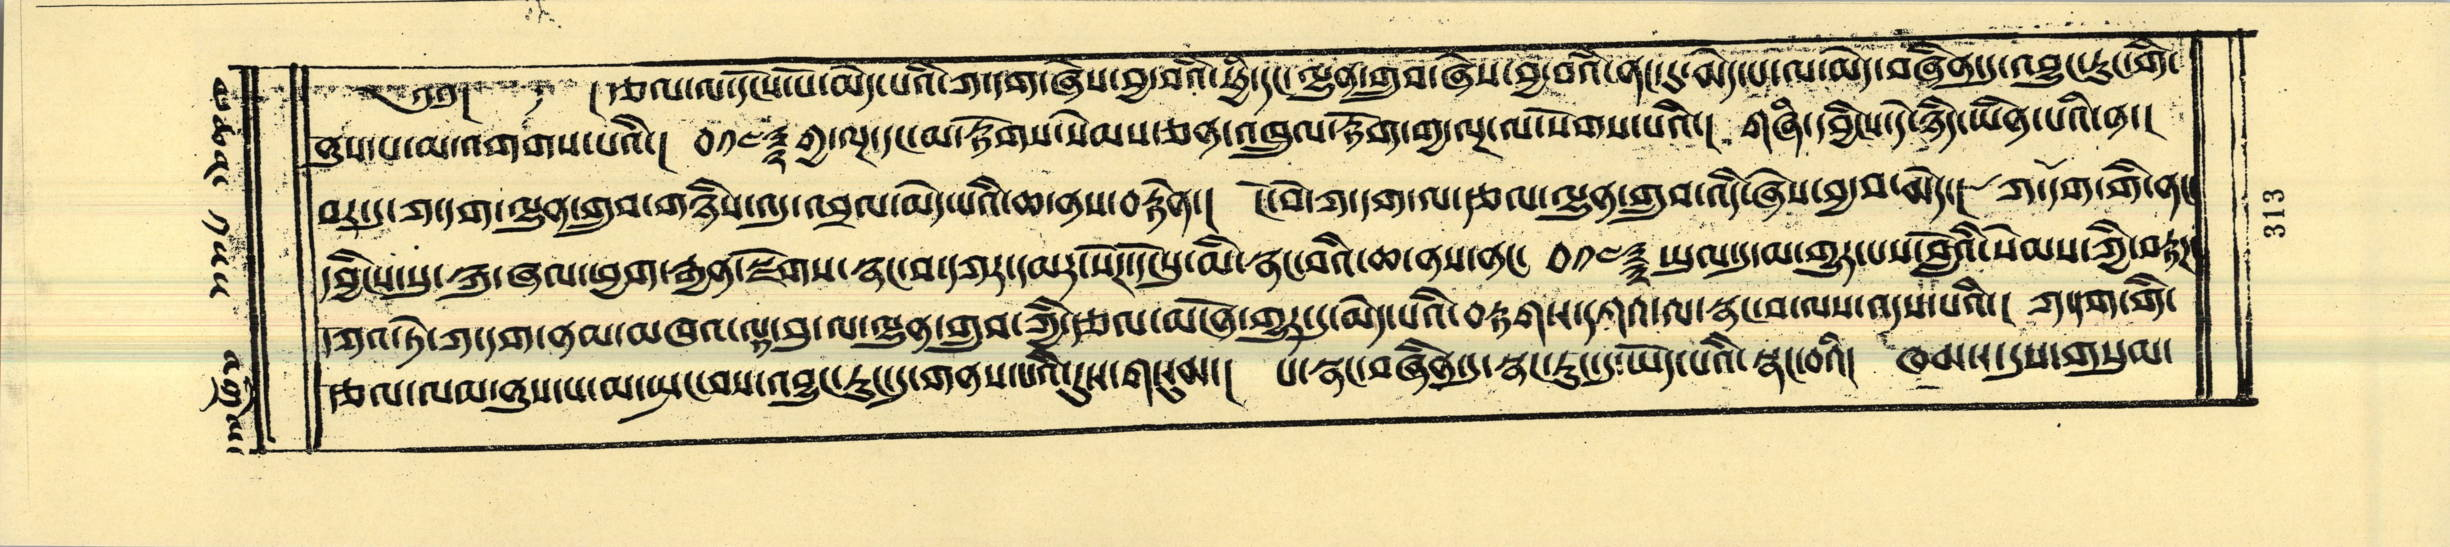རྩལ་ལ་དངོས་པོ་མེད་པའི་ཀ་དག་ཞེས་བྱ་བའི་ ༼ཕྱི་དང་༽ལྷུན་གྲུབ་ཞེས་བྱ་བའི་ ༼ནང་དུ་མེད་པ་༽ལ་མེད་བཞིན་དུ་འབྱུང་རུང་གི་
ནུས་པ་མ་འགགས་པའི། བ༡༤༣།༢ ༼གྱ་ལྔ་༽དང་མ་རྟོགས་སེམས་ཅན་འཁྲུལ་རྟོག་གྱ་ལྔ་ལ་སོགས་པའོ། ༼གཞི་༽དབྱིངས་དེ་ཉིད་ཡིན་པའི་ན། 
བར་དུ་ཀ་དག་ལྷུན་གྲུབ་གཉིས་འདུ་འབྲལ་མེད་པའི་ཆ་ནས་ ༼བརྟེན།༽ངོ་བོ་ཀ་དག་ལ་རྩལ་ལྷུན་གྲུབ་འདི་ཞེས་བྱ་བ་ ༼མེད།༽ཀ་དག་གི་ན་
དབྱིངས་སུ་སྐུ་ཞལ་ཕྱག་རྒྱན་སྫོགས་སྣང་བ་དཀར་དམར་སོགས་དངོས་སུ་མི་སྣང་བའི་ཆ་ནས་ནང། བ༡༤༣།༣ ཡུལ་དུ་མ་གྱུར་པས་བློའི་སེམས་ཀྱི་བརྟགས་
དཀའ་ཏེ་ཀ་དག་ནམ་མཁའ་ལྟ་བུ་ལ་ལྷུན་གྲུབ་ཀྱི་རྩལ་མངོན་གྱུར་དུ་མེད་པའི་ ༼བརྟགས་དཀའ་ལ་༽སྣང་བ་ལས་འདས་པའི། ཀ་དག་གི་
རྩལ་ལམ་ནུས་པ་མ་སྤང་བས་འབྱུང་རུང་དུ་གནས་པའི་ ༼དུས་གསུམ།༽ ༼པ་༽སྣང་བཞིན་དུ་སྣང་རུང་དུ་ཡོད་པའི་ ༼སྣང་བའི།༽ ༼ཁམས་༽དུས་གསུམ་